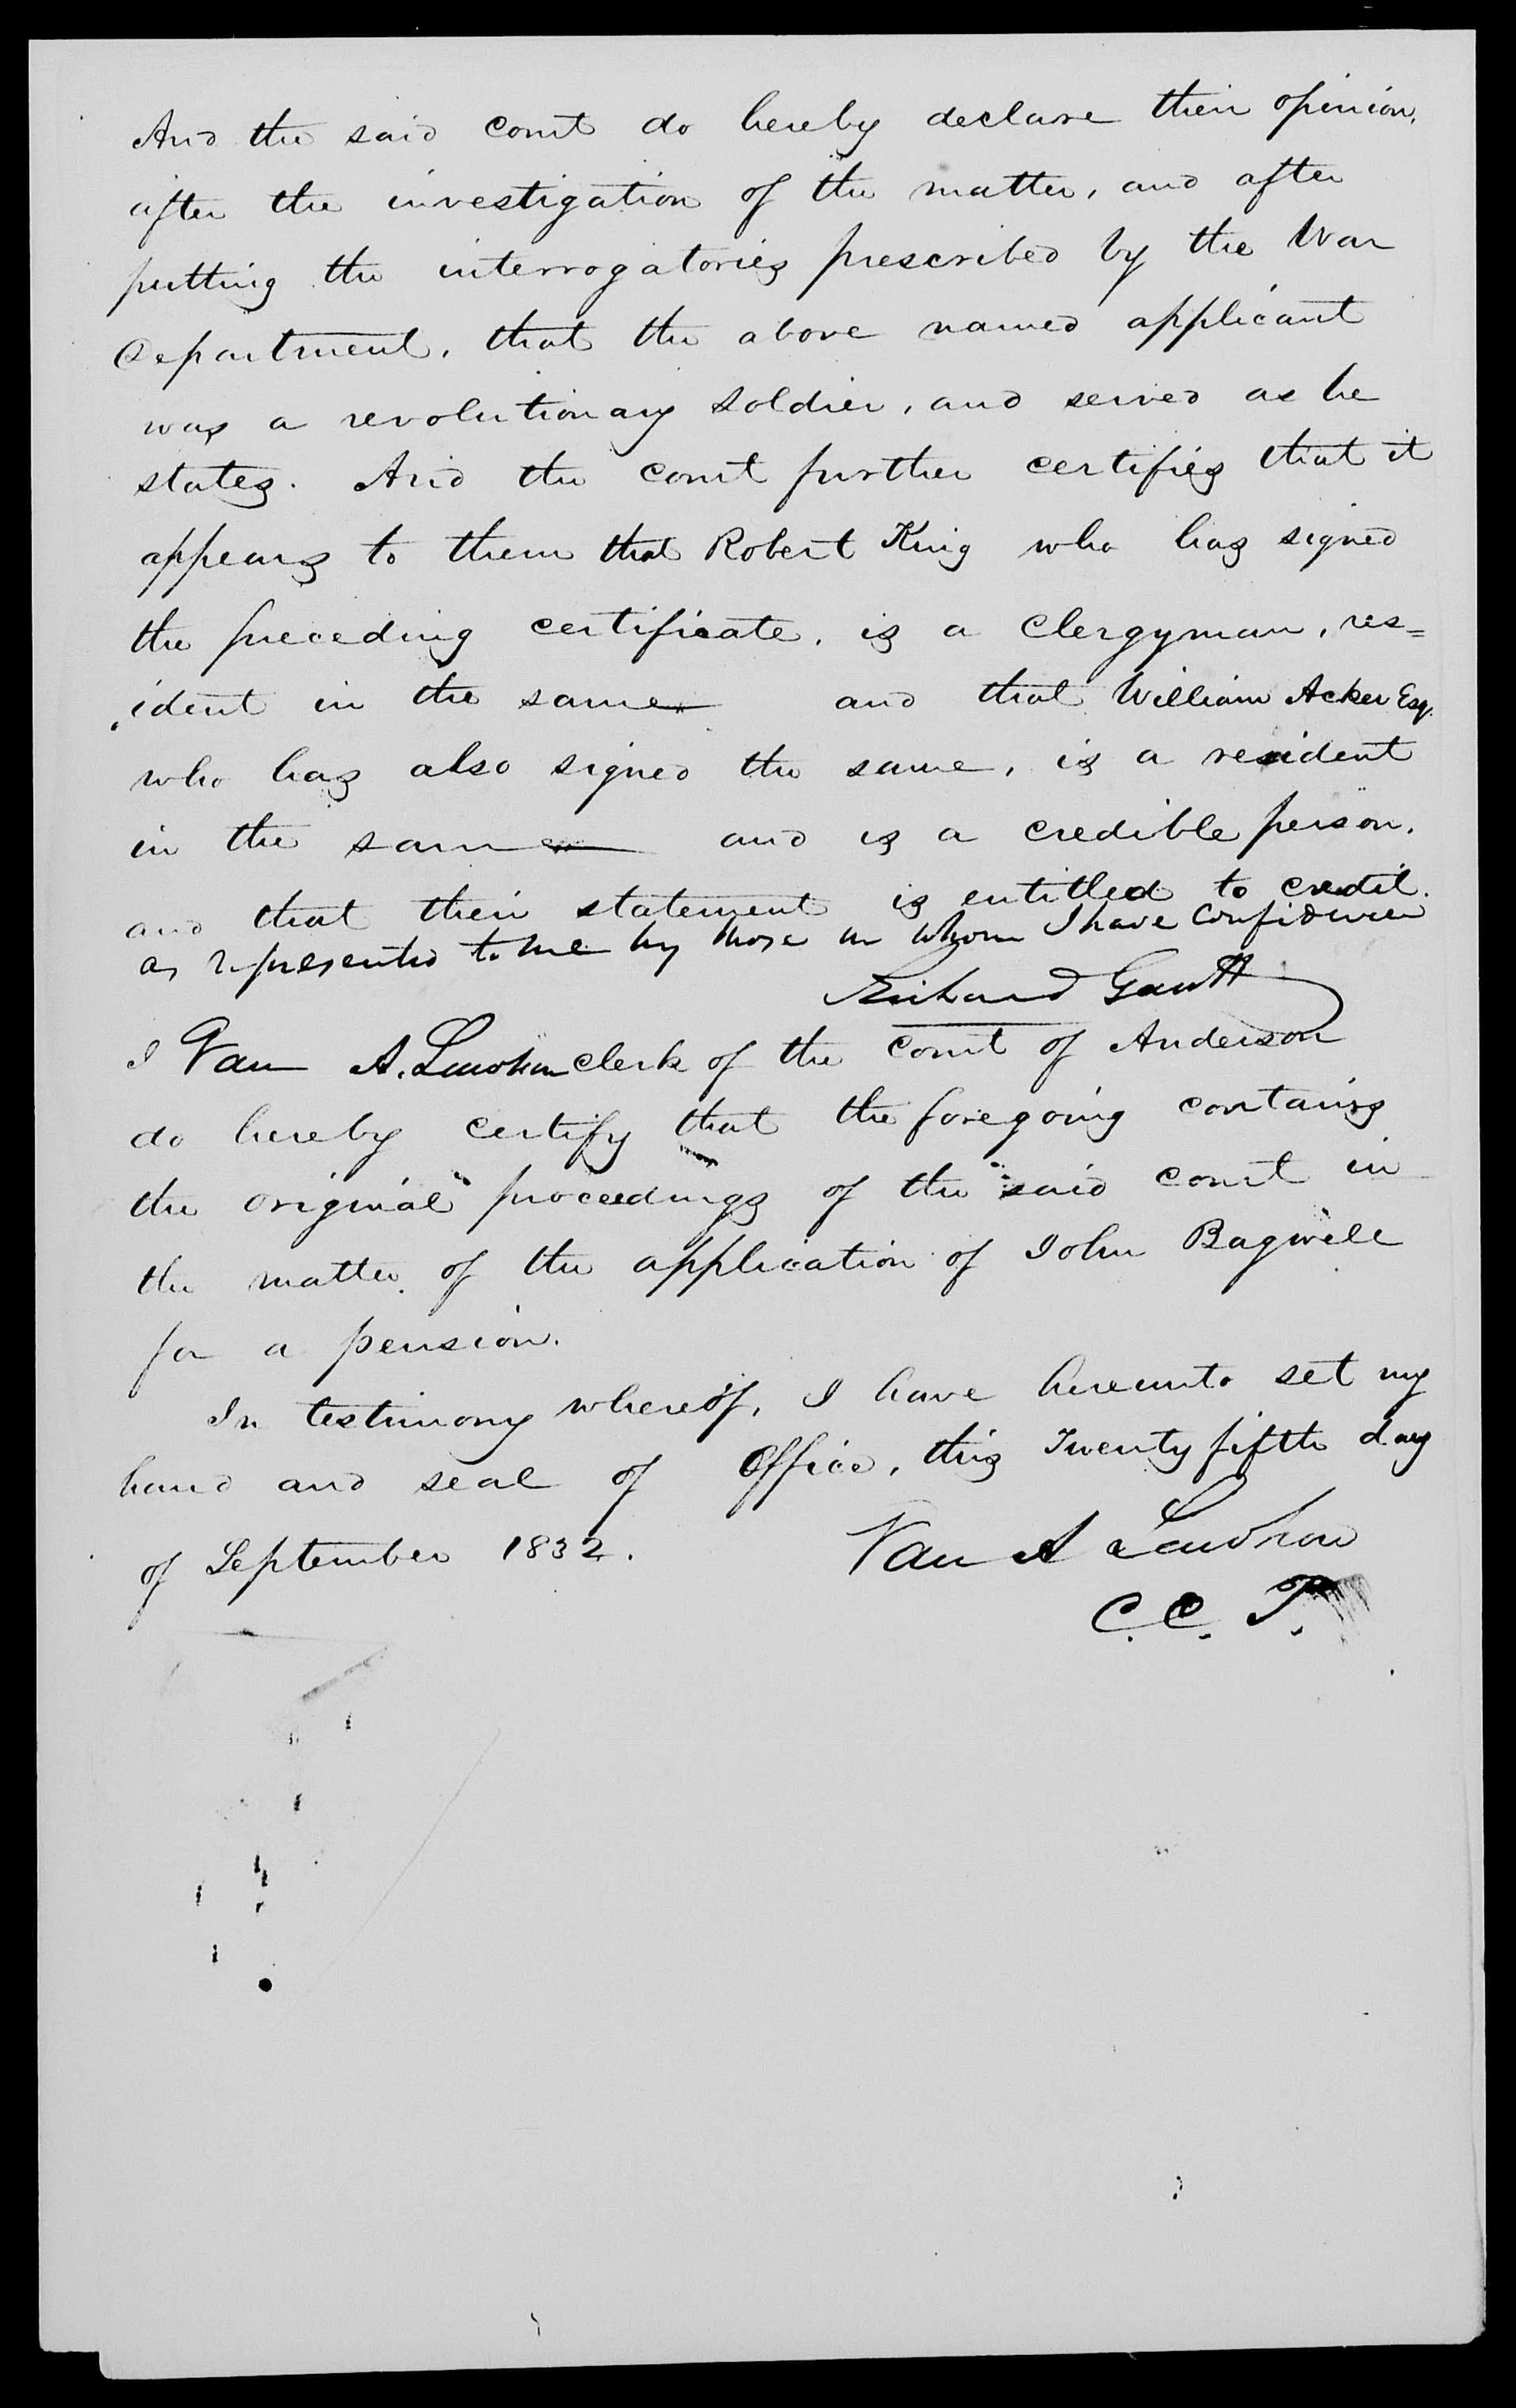And the said Court do hereby declare their opinion
after the investigation of the matter, and after
putting the interrogatories prescribed by the War
Department, that the above named applicant
was a revolutionary soldier, and served as he
states. And the Court further certifies that it
appears to them that Robert King who has signed
the preceding certificate is a Clergyman, resident in the same
and that William Ackers Esq
who has also signed the same, is a resident
in the same
and is a credible person
and that their statement
is entitled to credit
as represented to me by those in whom I have confidence
Richard Gautt
I Van A. Lawhon Clerk of the Court of Anderson
do hereby certify that the foregoing
contains
the original proceedings of the said Court in
the matter of the application of John Bagwell
for a pension.
In testimony whereof, I have hereunto set my
hand and seal
of
Office, this Twenty fifth day
of September 1832.

Van A Lawhon CCT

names: Richard Gautt, John Bagwell, Van A Lawhon, Robert King, Van A Lawhon, William Acker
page: 13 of 36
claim: survivor's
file: S 6571, John Bagwell, N.C.